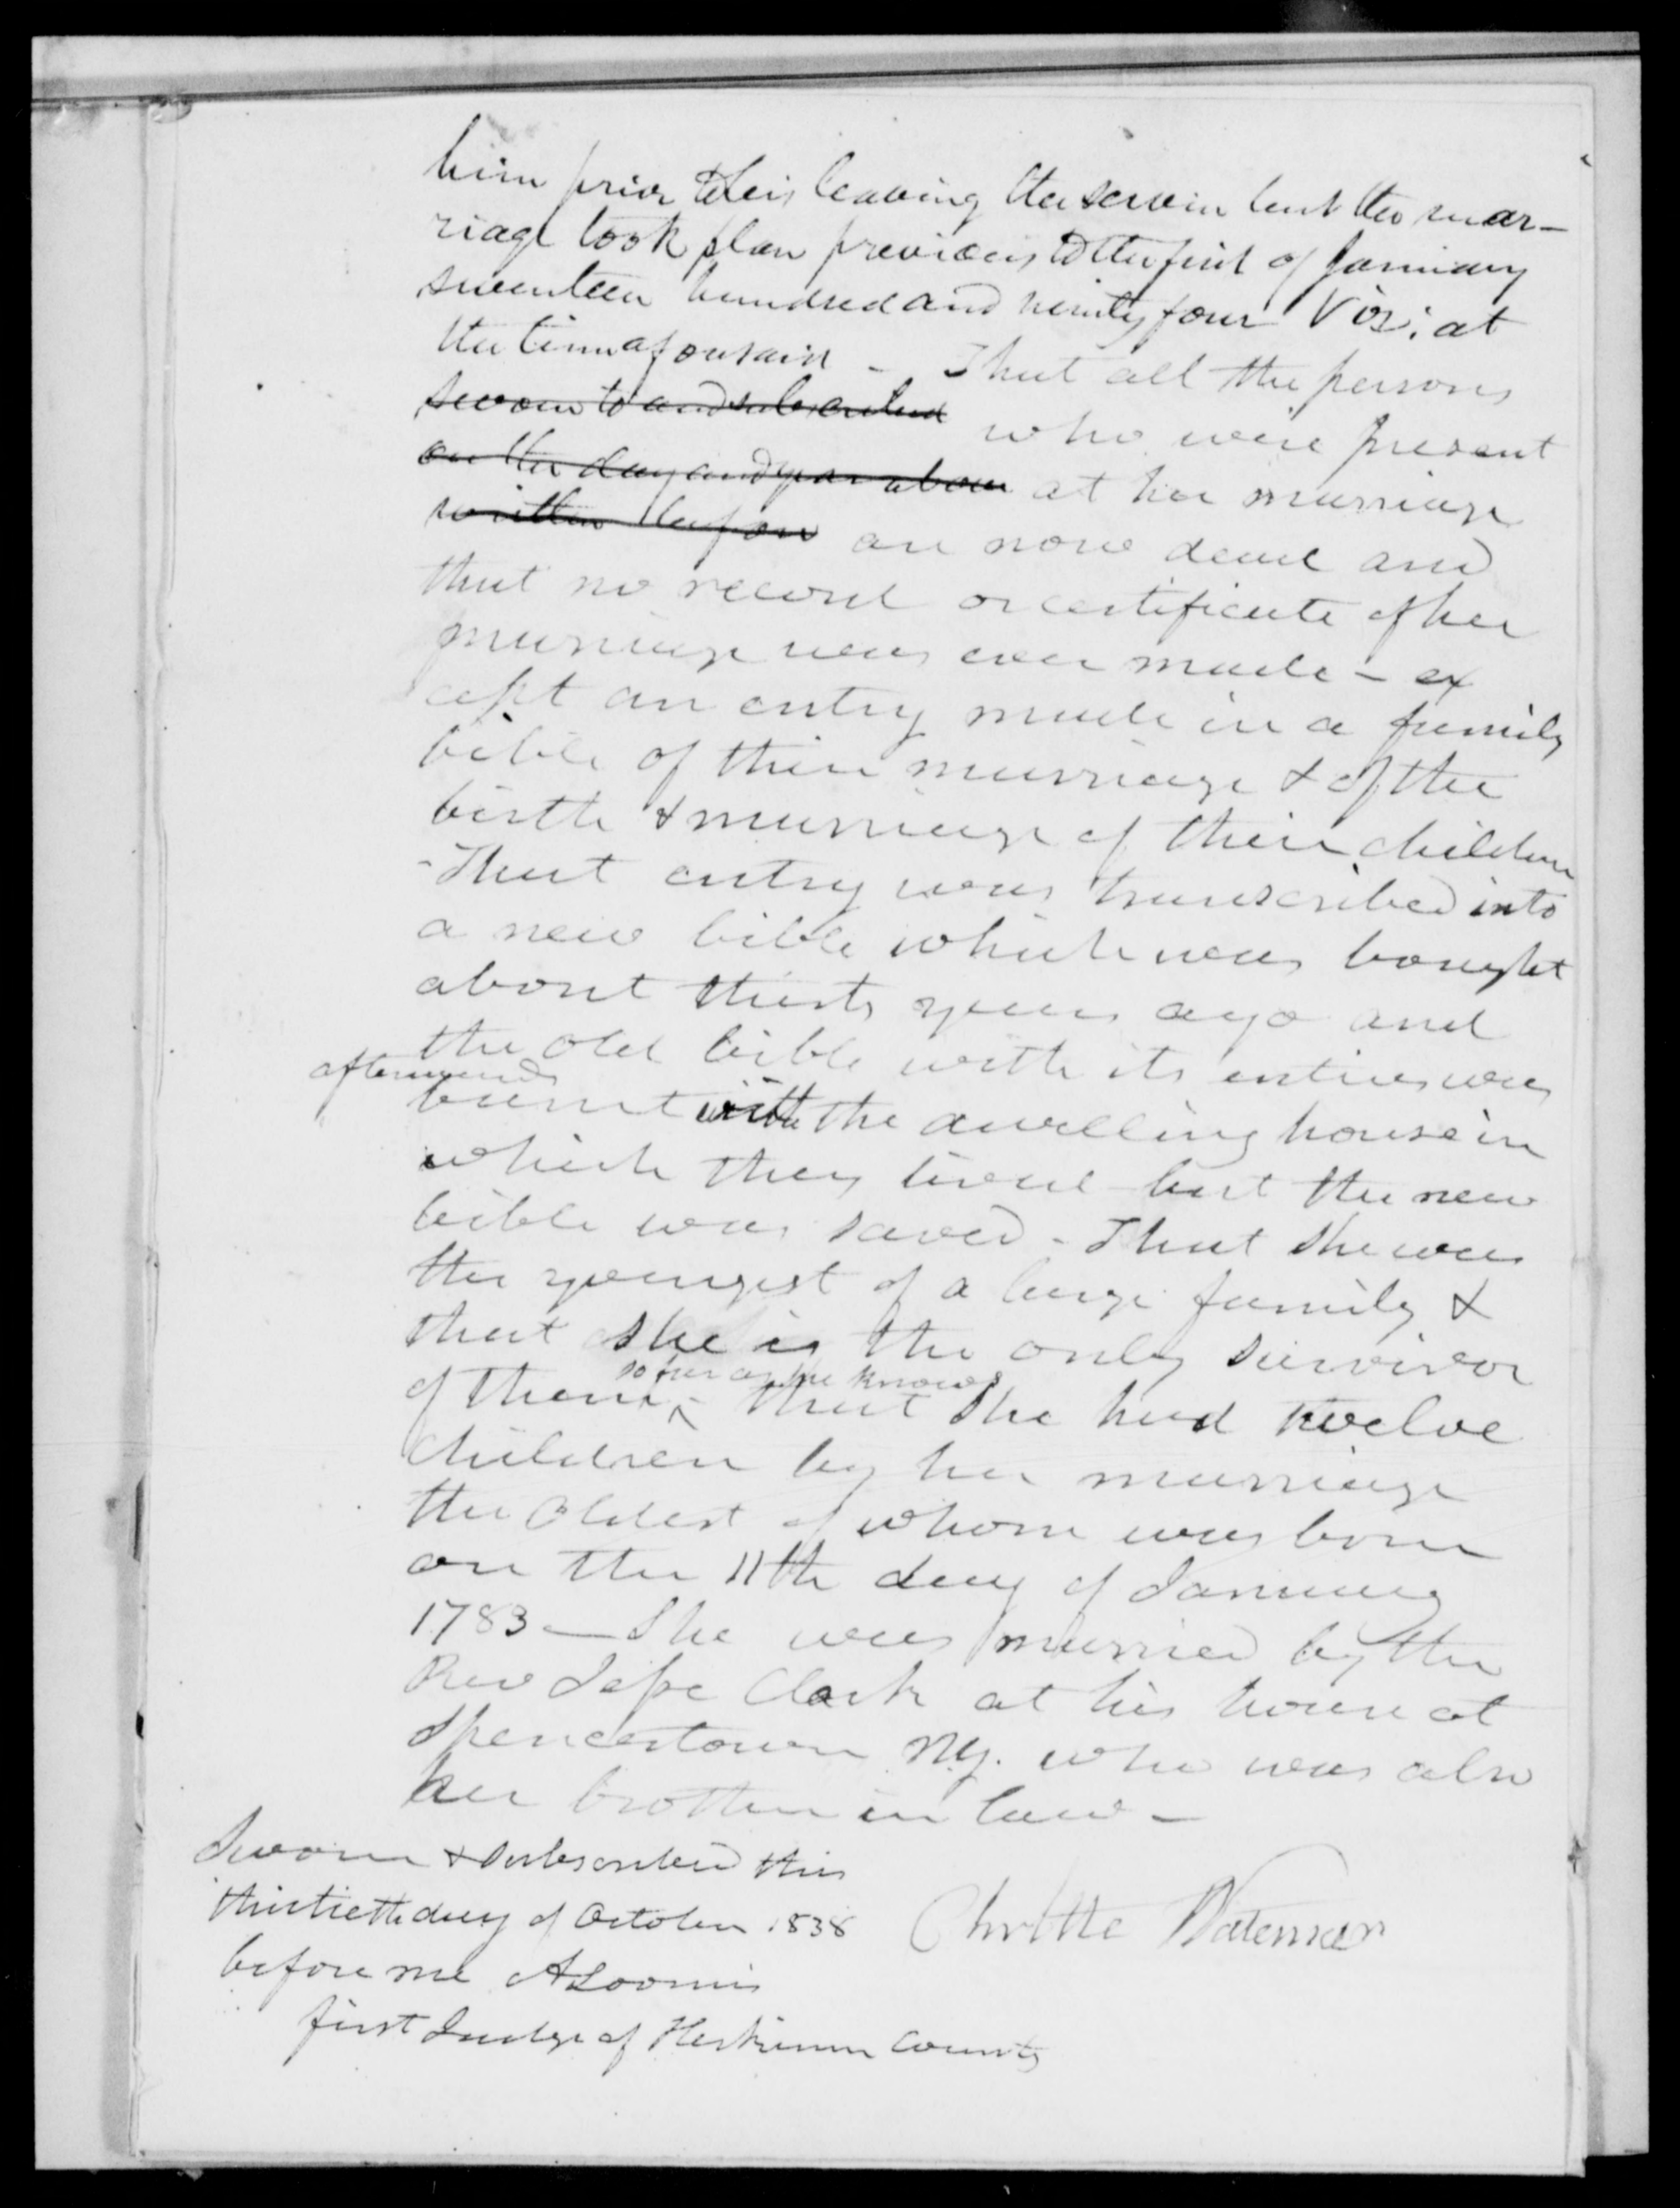him prior to his leaving the service, but the marriage took place previous to the first of January seventeen hundred and ninety four. Vos: at the time aforesaid.  [Three lines crossed out here]. That all the persons who were present at her marriage are now dead and that no record or certificate of her marriage was ever made, except an entry made in a family bible of their marriage & of the birth & marriages of their children. That entry was transcribed into a new bible which was bought about thirty years ago and the old bible with its entries was afterwards burnt with the dwelling house in which they lived, but the new bible was saved. That she was the youngest of a large family & that she is the only survivor, so far as she knows, of them. That she had twelve children by her marriage. The oldest of whom was born on the 11th day of January 1783. She was married by the Rev. Jesse Clark at his house at Spencertown, NY.  Who was also her brother-in-law.
Charlotte Waterman

Sworn & subscribed this thirtieth day of October 1838 before me, A Loomis, 
first Judge of Herkimer County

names: Chrltte Waterman, A Loomis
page: 11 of 50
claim: widow's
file: W. 15814, Glading Waterman, Conn. Conn. Sea Service Continental